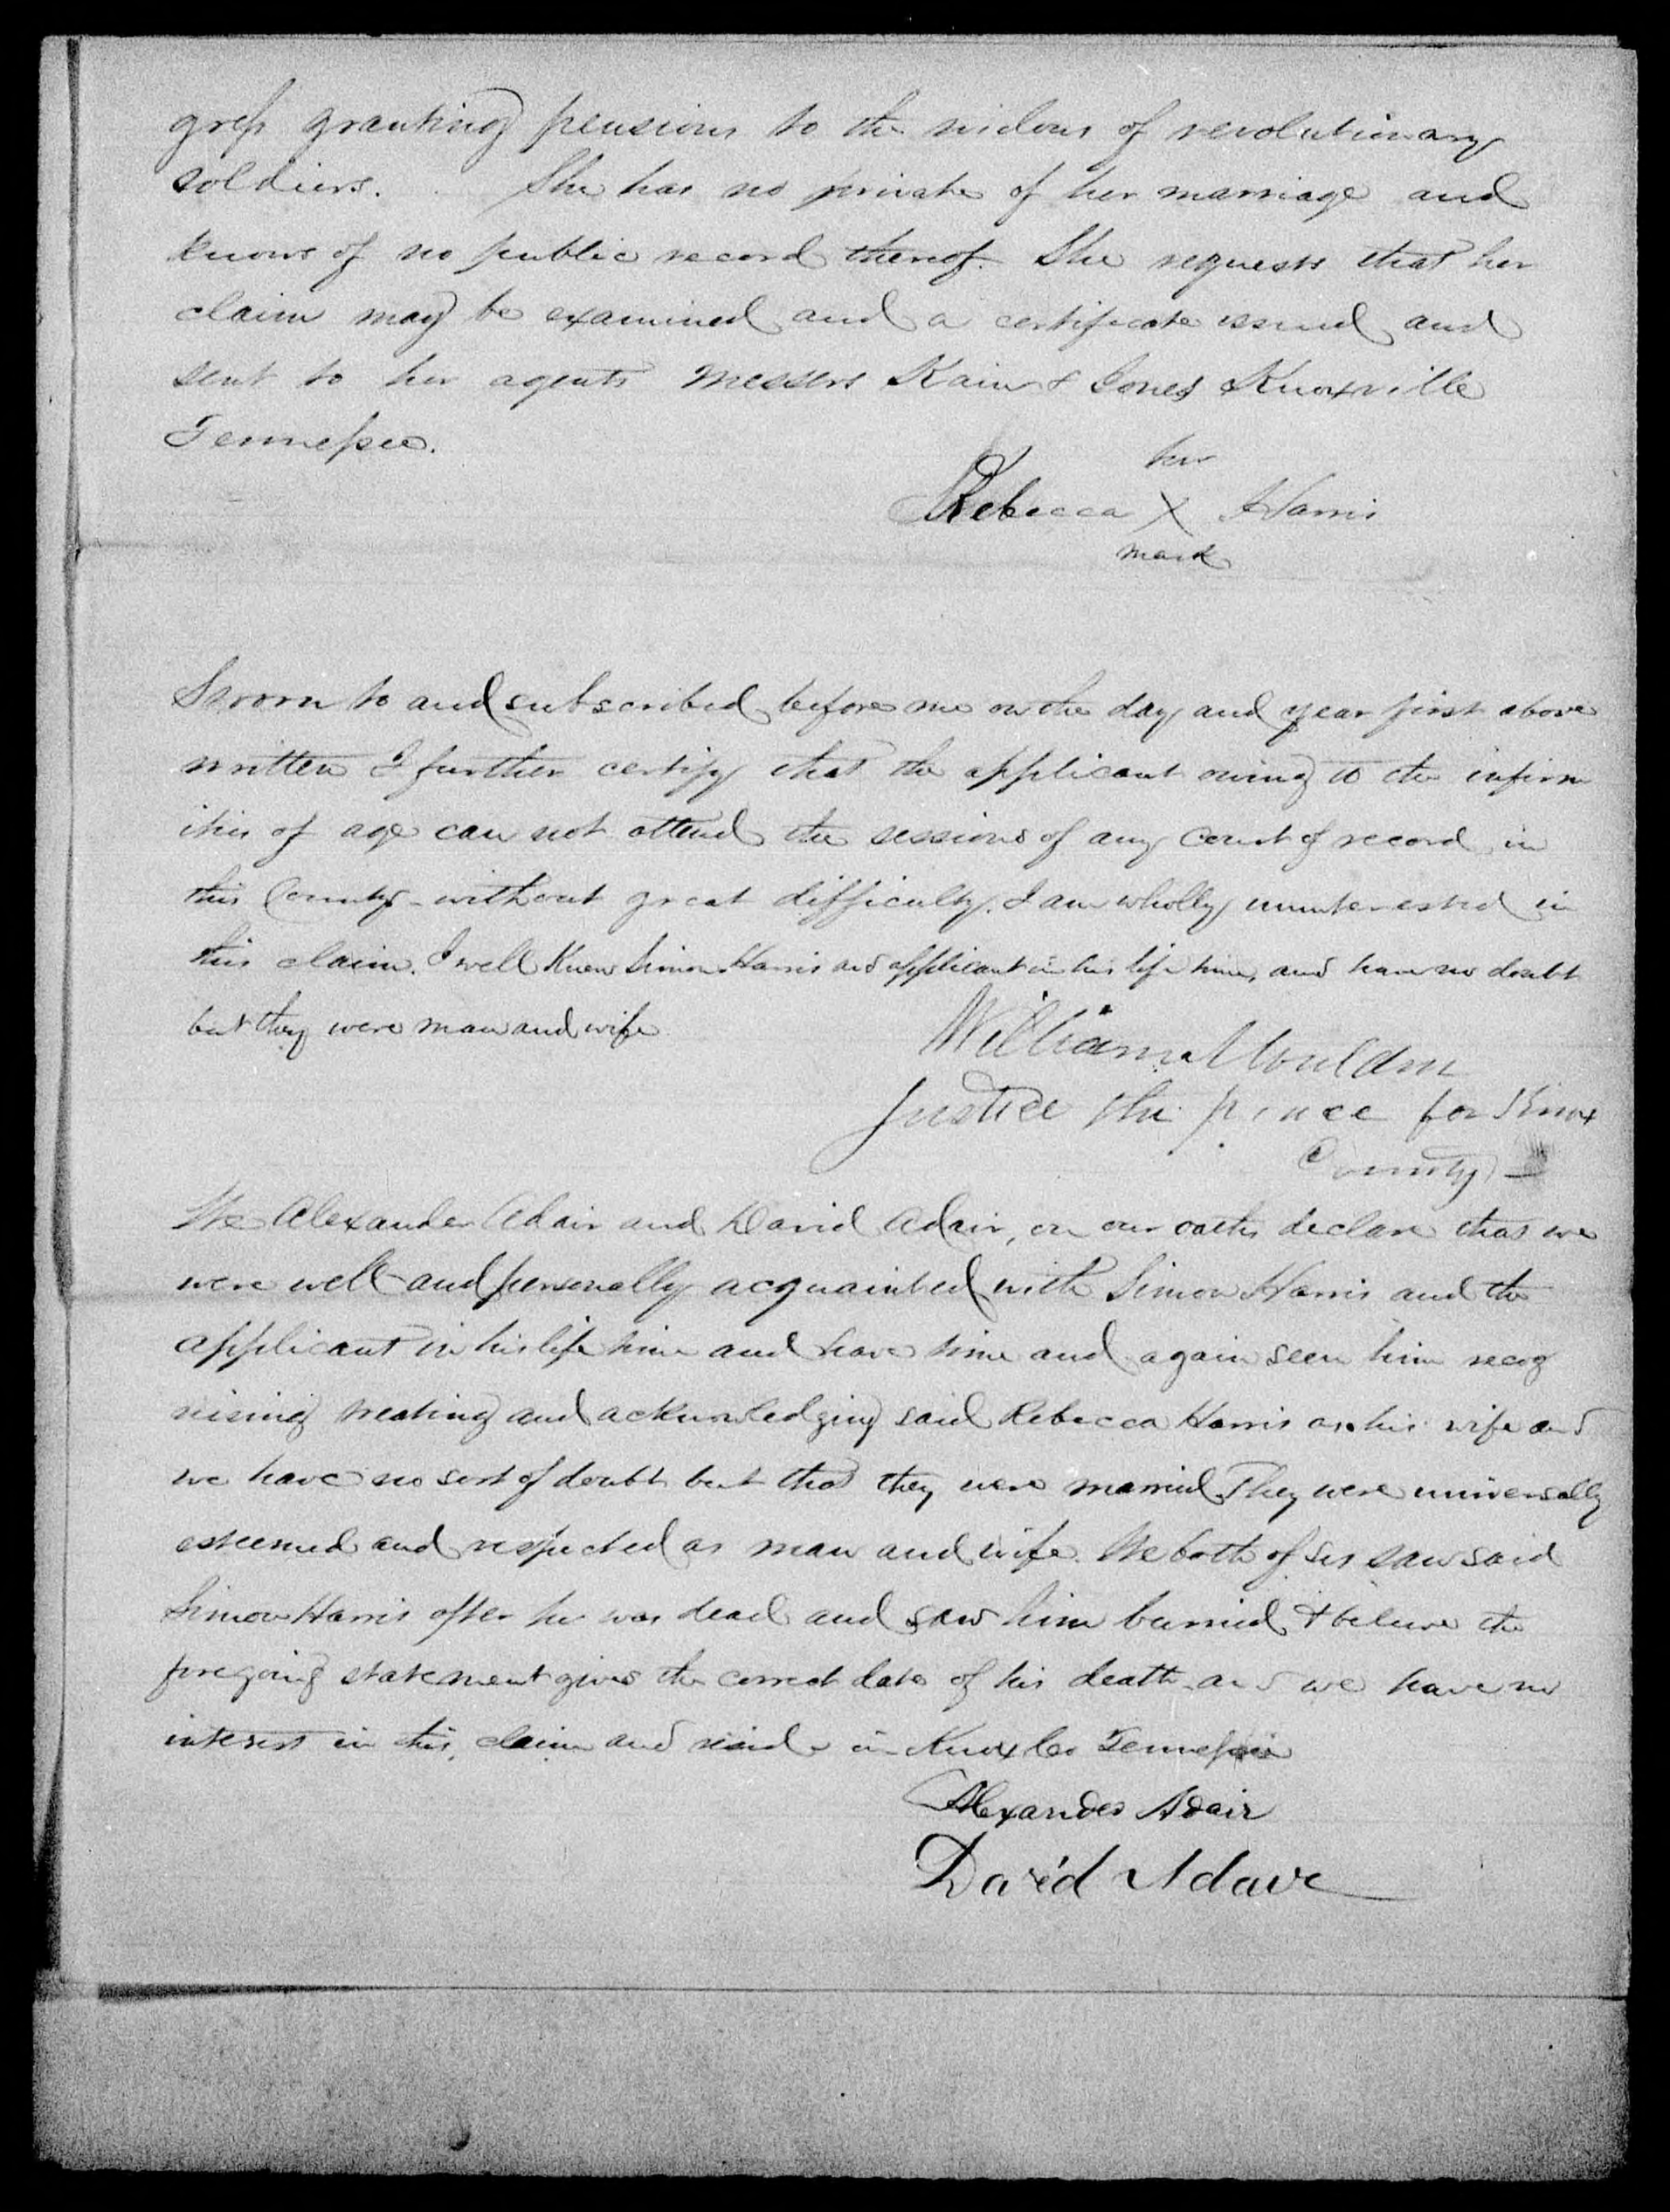goes granting pensions to the widows of revolutionary soldiers. She has no [illegible] of her marriage and knows of no public record thereof. She requests that her claim may be examined and a certificate issued and sent to her agents Messers Kain & Jones Knoxville Tennessee.
             her
Rebecca X Harris 
            mark

Sworn to and subscribed before me on the day and year first above written I further certify that the applicant owing to the infirmities of age can not attend the sessions of any court of record in this county - without great difficulty. I am wholly uninterested this claim. I well know Simon Harris and applicant in his life time, and have no doubt but they were man and wife.
William Mouldon
Justice the Peace for Knox County

We Alexander Adair and David Adair, on our oaths declare that we were well and personally acquainted with Simon Harris and the applicant in his life time and have since and again seem him recognizing, treating and acknowledging said Rebecca Harris as his wife and we have no sort of doubt but that they were married. They were universally esteemed and respected as man and wife. We both of us saw said Simon Harris after he was dead and saw him buried and believe the foregoing statement gives the correct date of his death, and we have no interest in this claim and reside in Knox Co. Tennessee.

Alexander Adair
David Adair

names: Simon Harris, Simon Harris, Alexander Adair, Alexander Adair, William Mouldon, David Adair, Rebecca Harris, David Adair, Simon Harris, Rebecca Harris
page: 5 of 24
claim: rejected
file: R. 4684, Simon Harris, Va.